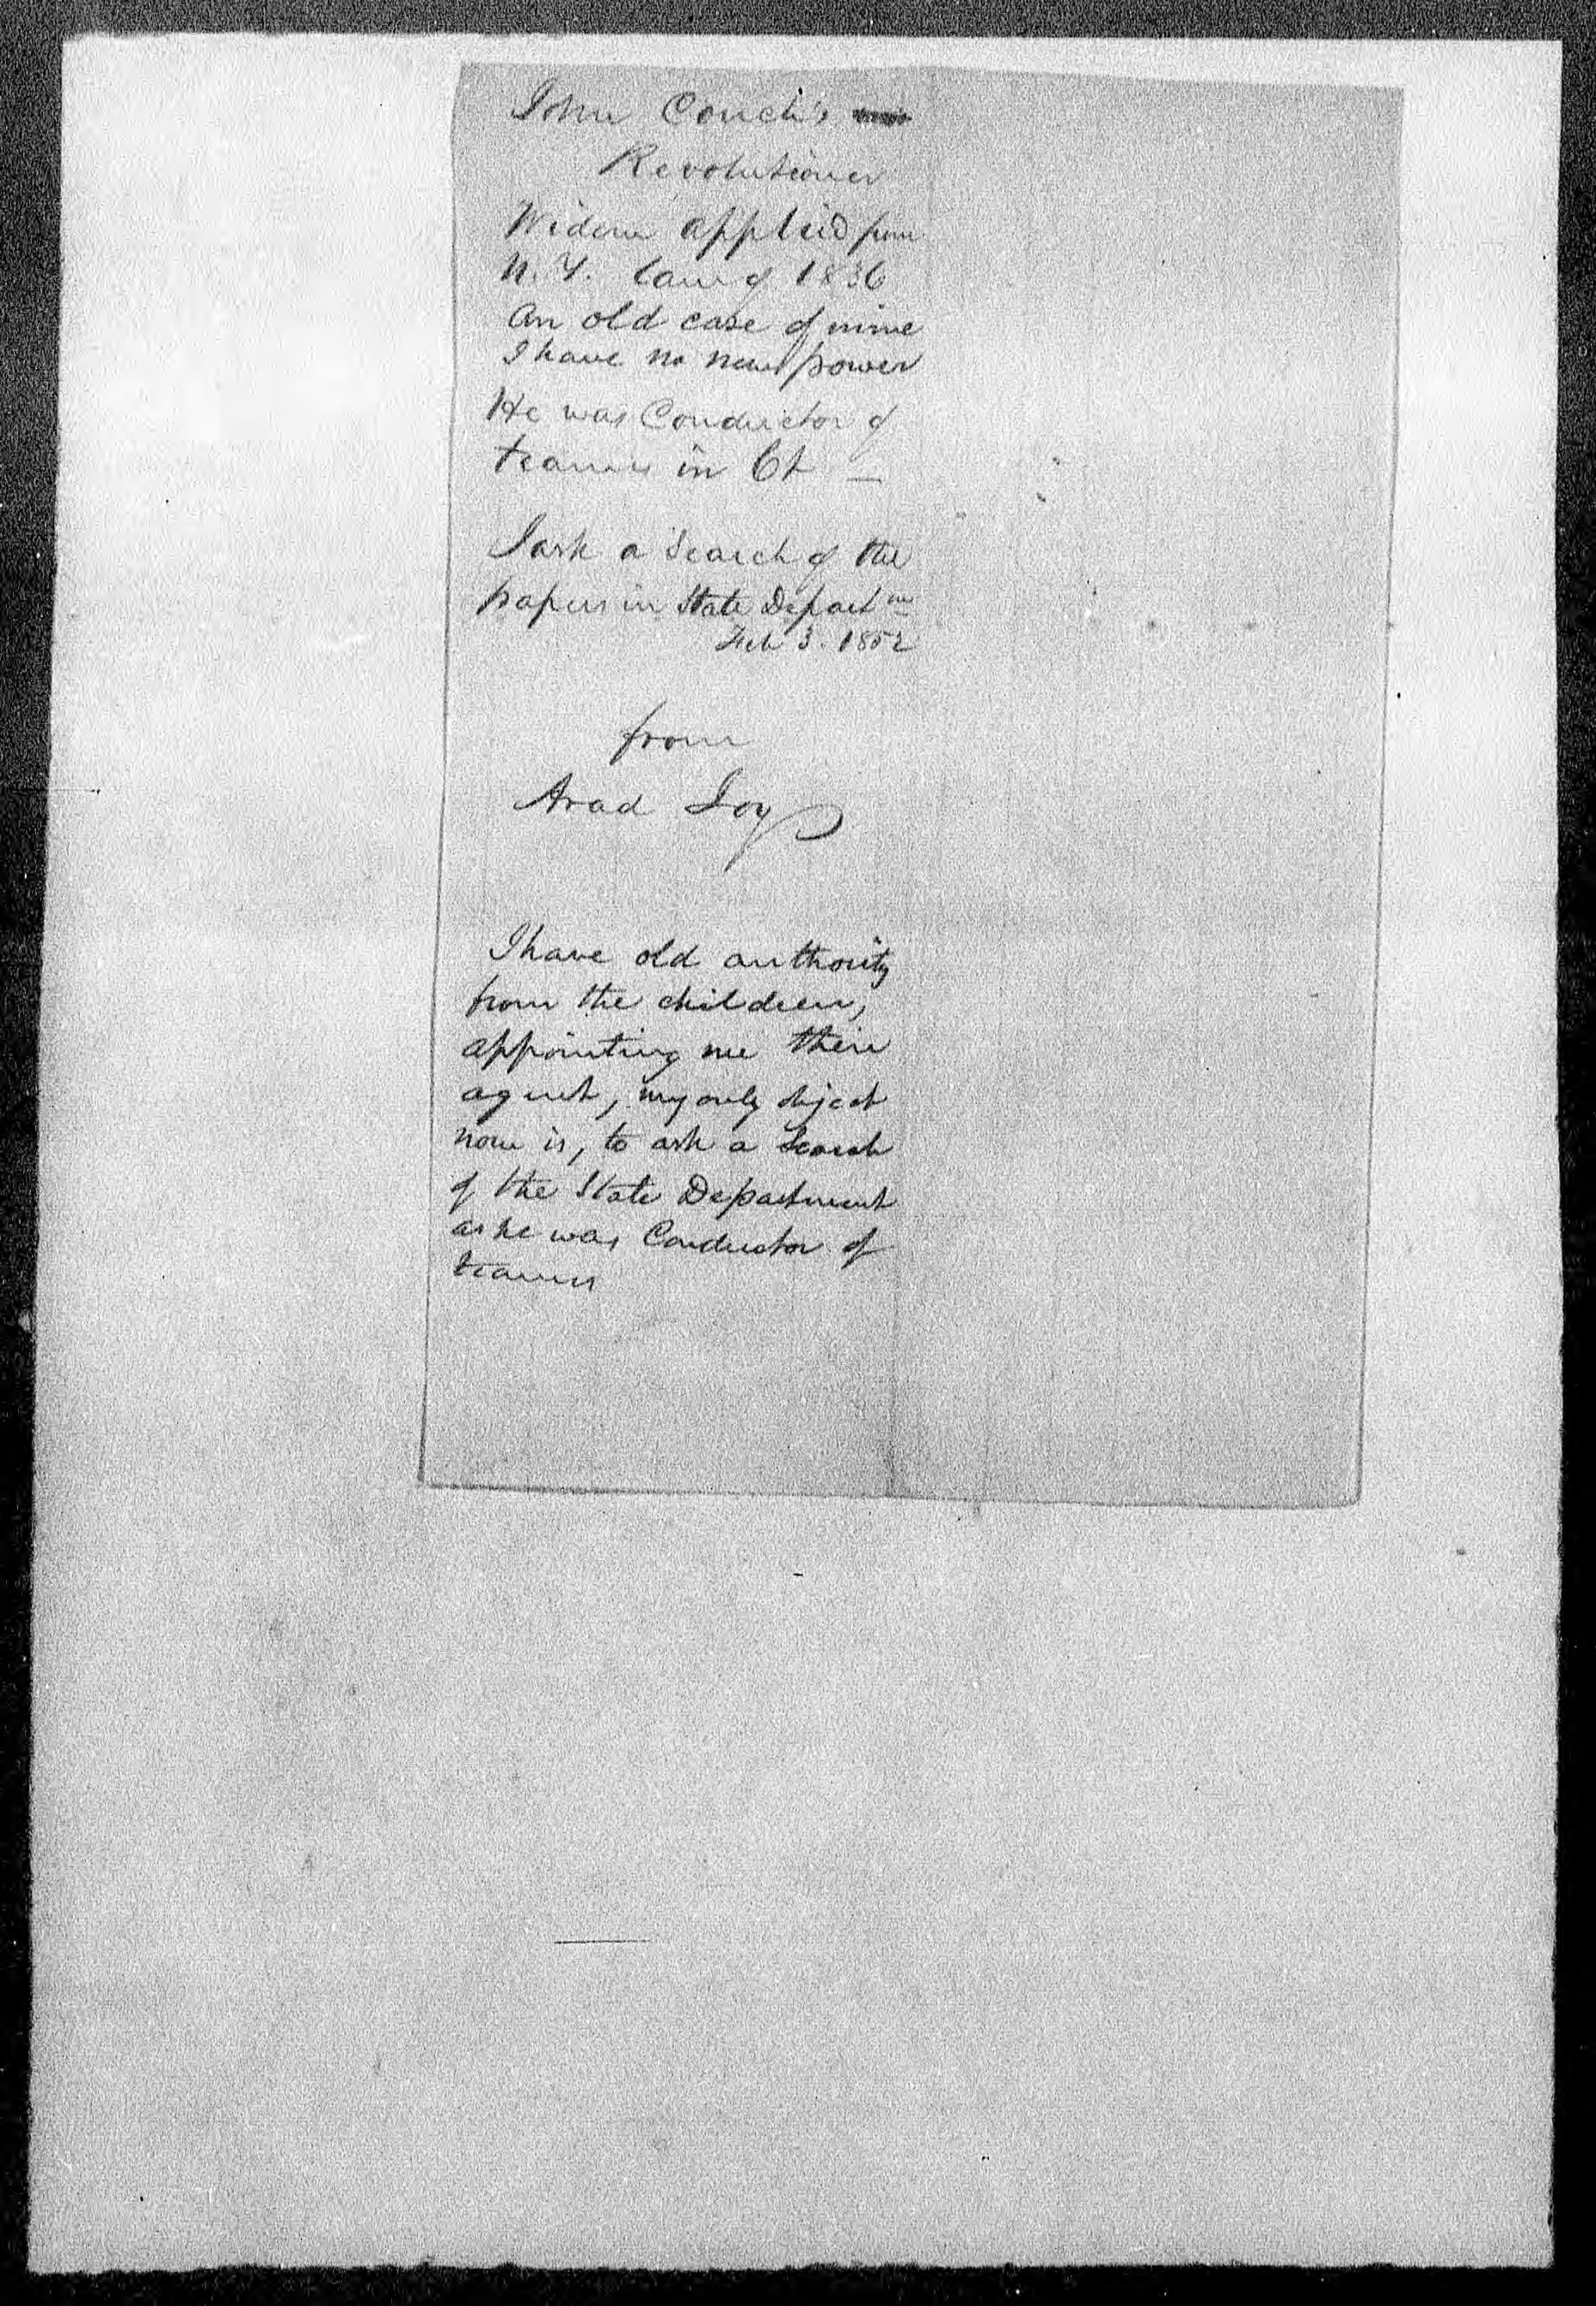John Couch's
Revolutioner
Widow applied from
NY law of 1836
an old case of mine
I have no new power
He was conductor of teams in Ct
I ask a search of the papers in State Depart
Feb 3 1852
from 
Arad joy

I have old authority from the children, appointing me their agent, my only object now is, to ask a search of the State Department as he was conductor of teams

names: Arad Joy, John Couch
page: 19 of 68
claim: rejected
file: R. 2,360, John Couch, Conn.